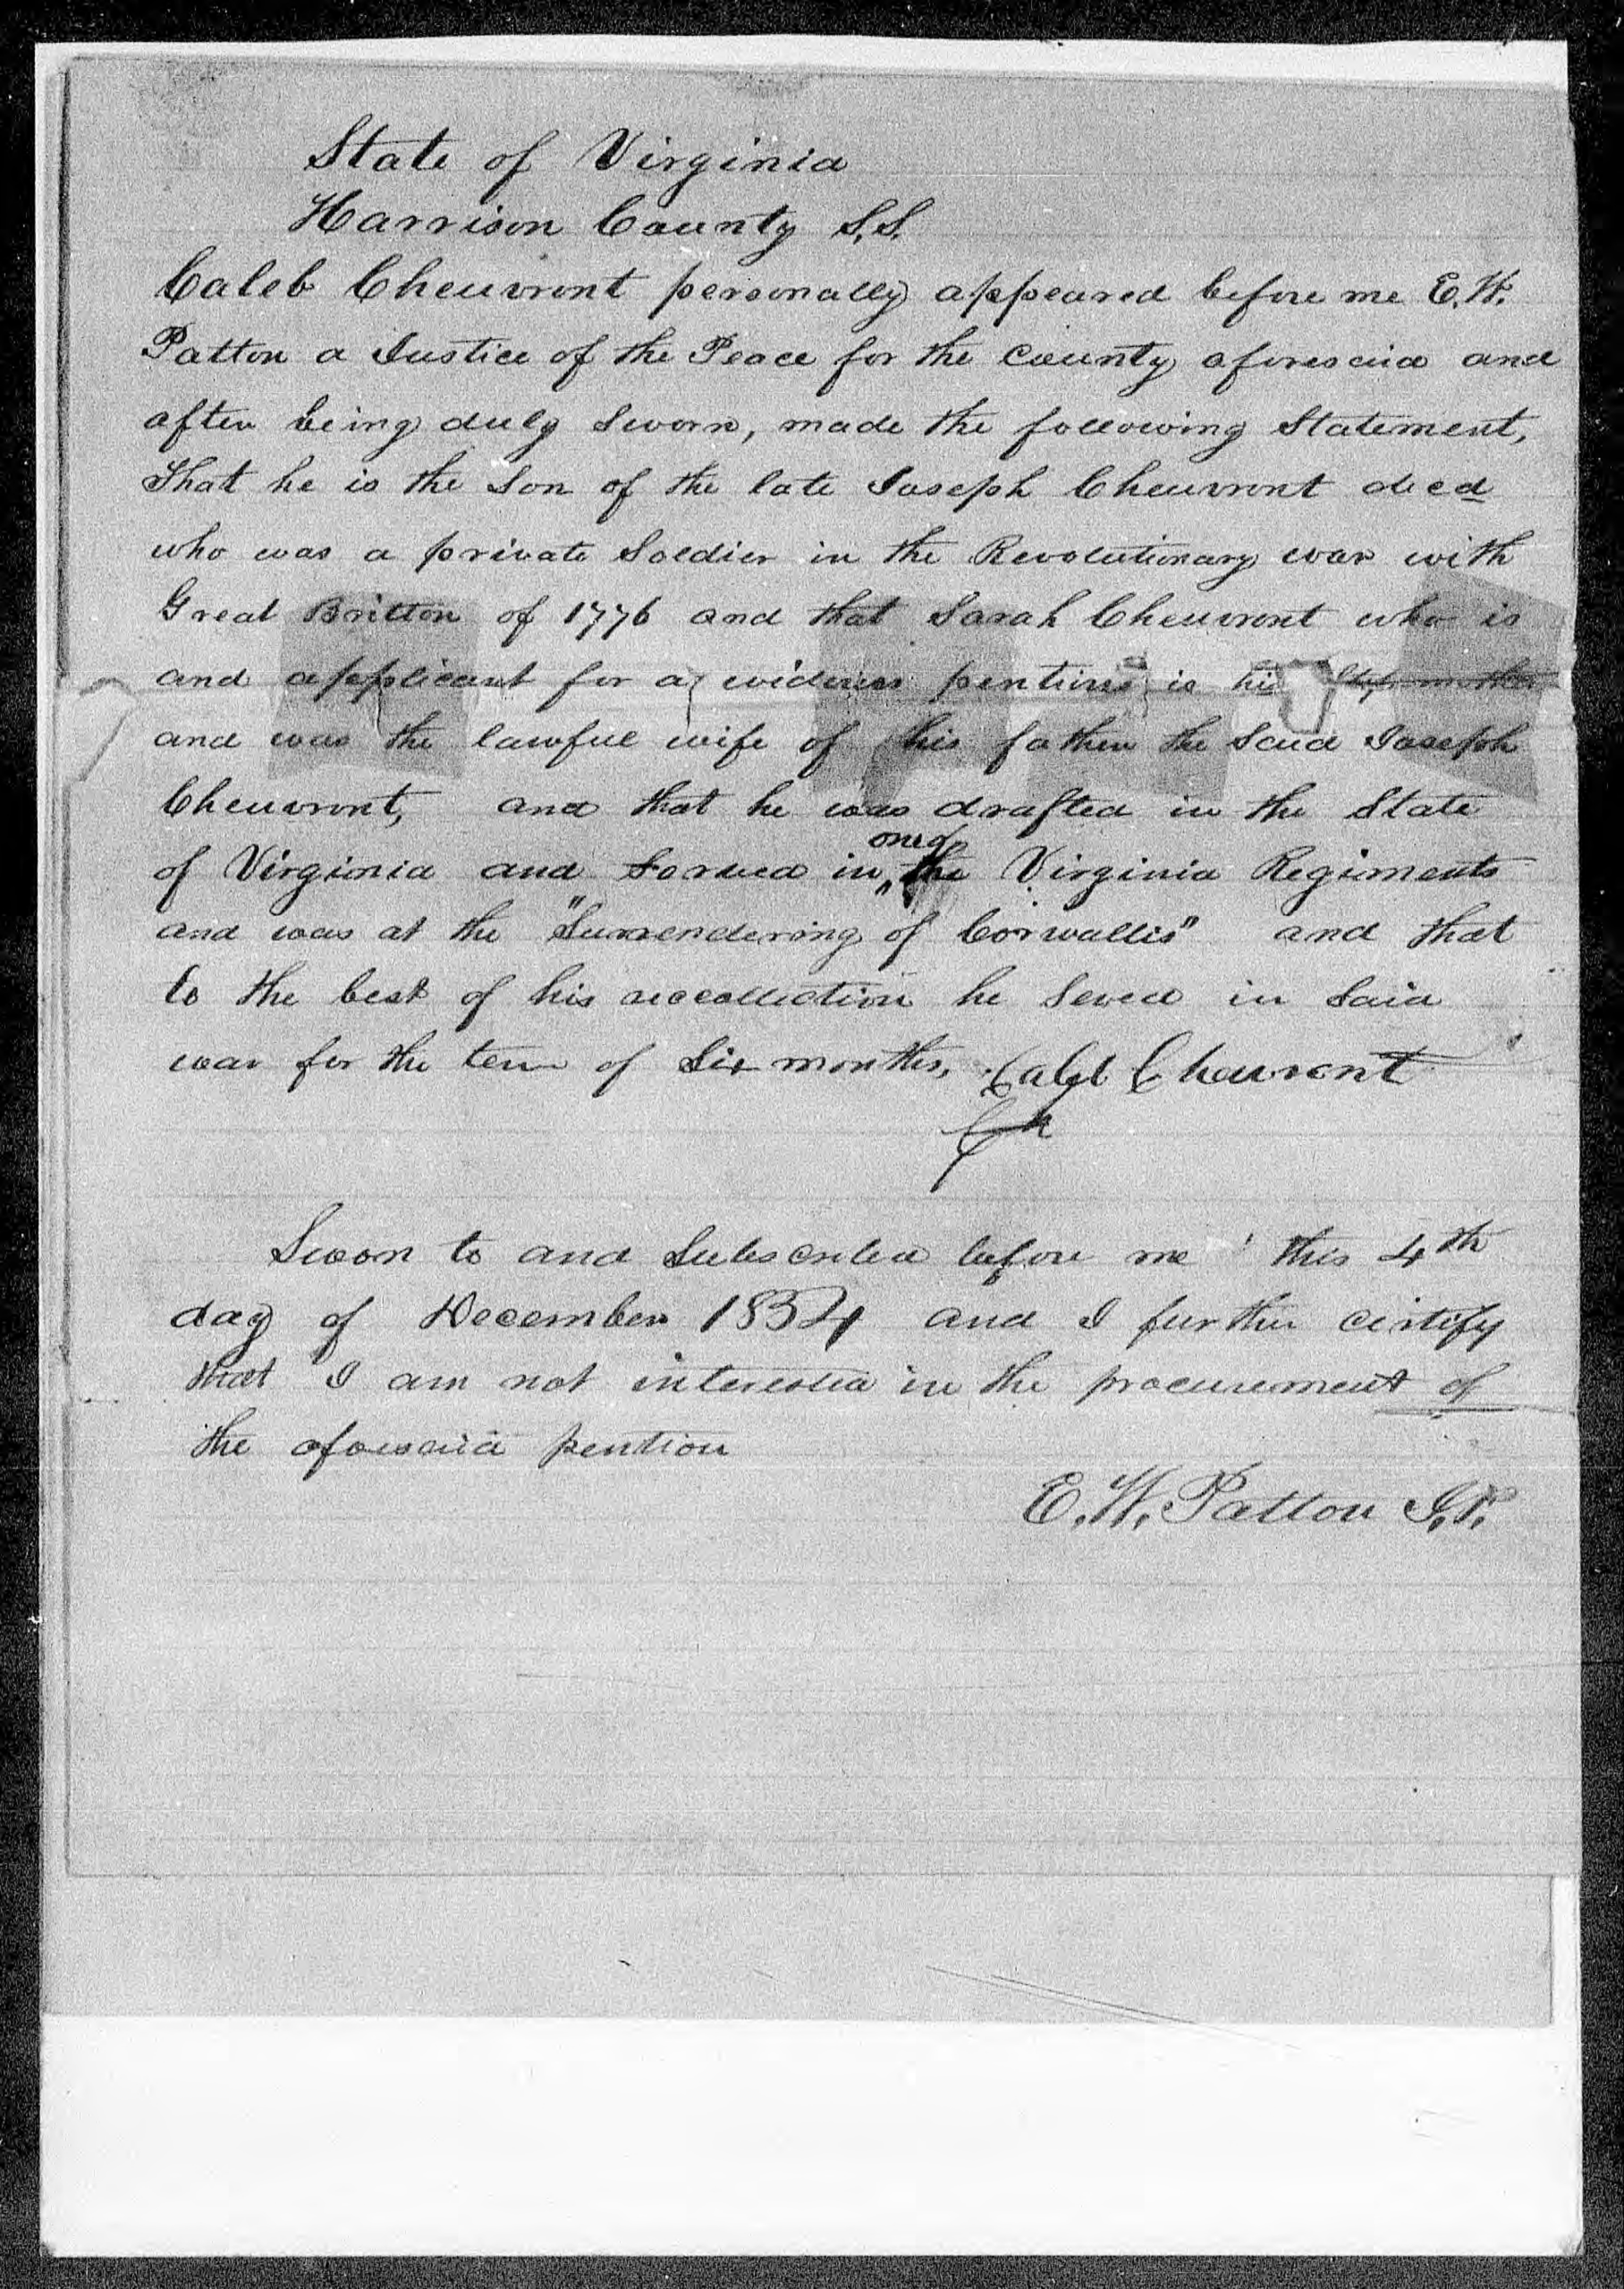State of Virginia
Harrison County S.S.
Caleb Cheuvront personally appeared before me E. W. 
Patton a Justice of the Peace for the County aforesaid and 
after being duly sworn, made the following Statement, 
That he is the Son of the late Joseph Cheuvront died 
who was a private Soldier in the Revolutionary war with 
Great Britton of 1776 and that Sarah Cheuvront who is 
and applicant for a widows pention is his [Step mother(there is a line through both words)]
and was the lawful wife of his father the said Joseph 
Cheuvront, and that he was drafted in the State 
of Virginia and served in [one of (above and between 'in' and 'the')] the Virginia Regiments 
and was at the "Surrendering of Cornwallis" and that 
to the best of his recollection he served in said 
war for the term of six months, Caleb Cheuvront
Sworn to and subscribed before me this 4th 
day of December 1834 and I further certify 
that I am not interested in the procurement of 
the aforesaid pention
E. W. Patton J.P.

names: E W Patton, Joseph Cheuvront, E W Patton, Joseph Cheuvront, Sarah Cheuvront, Caleb Cheuvront, Caleb Cheuvront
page: 3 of 21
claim: rejected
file: R. 1,907, Joseph Cheuvront, Va.